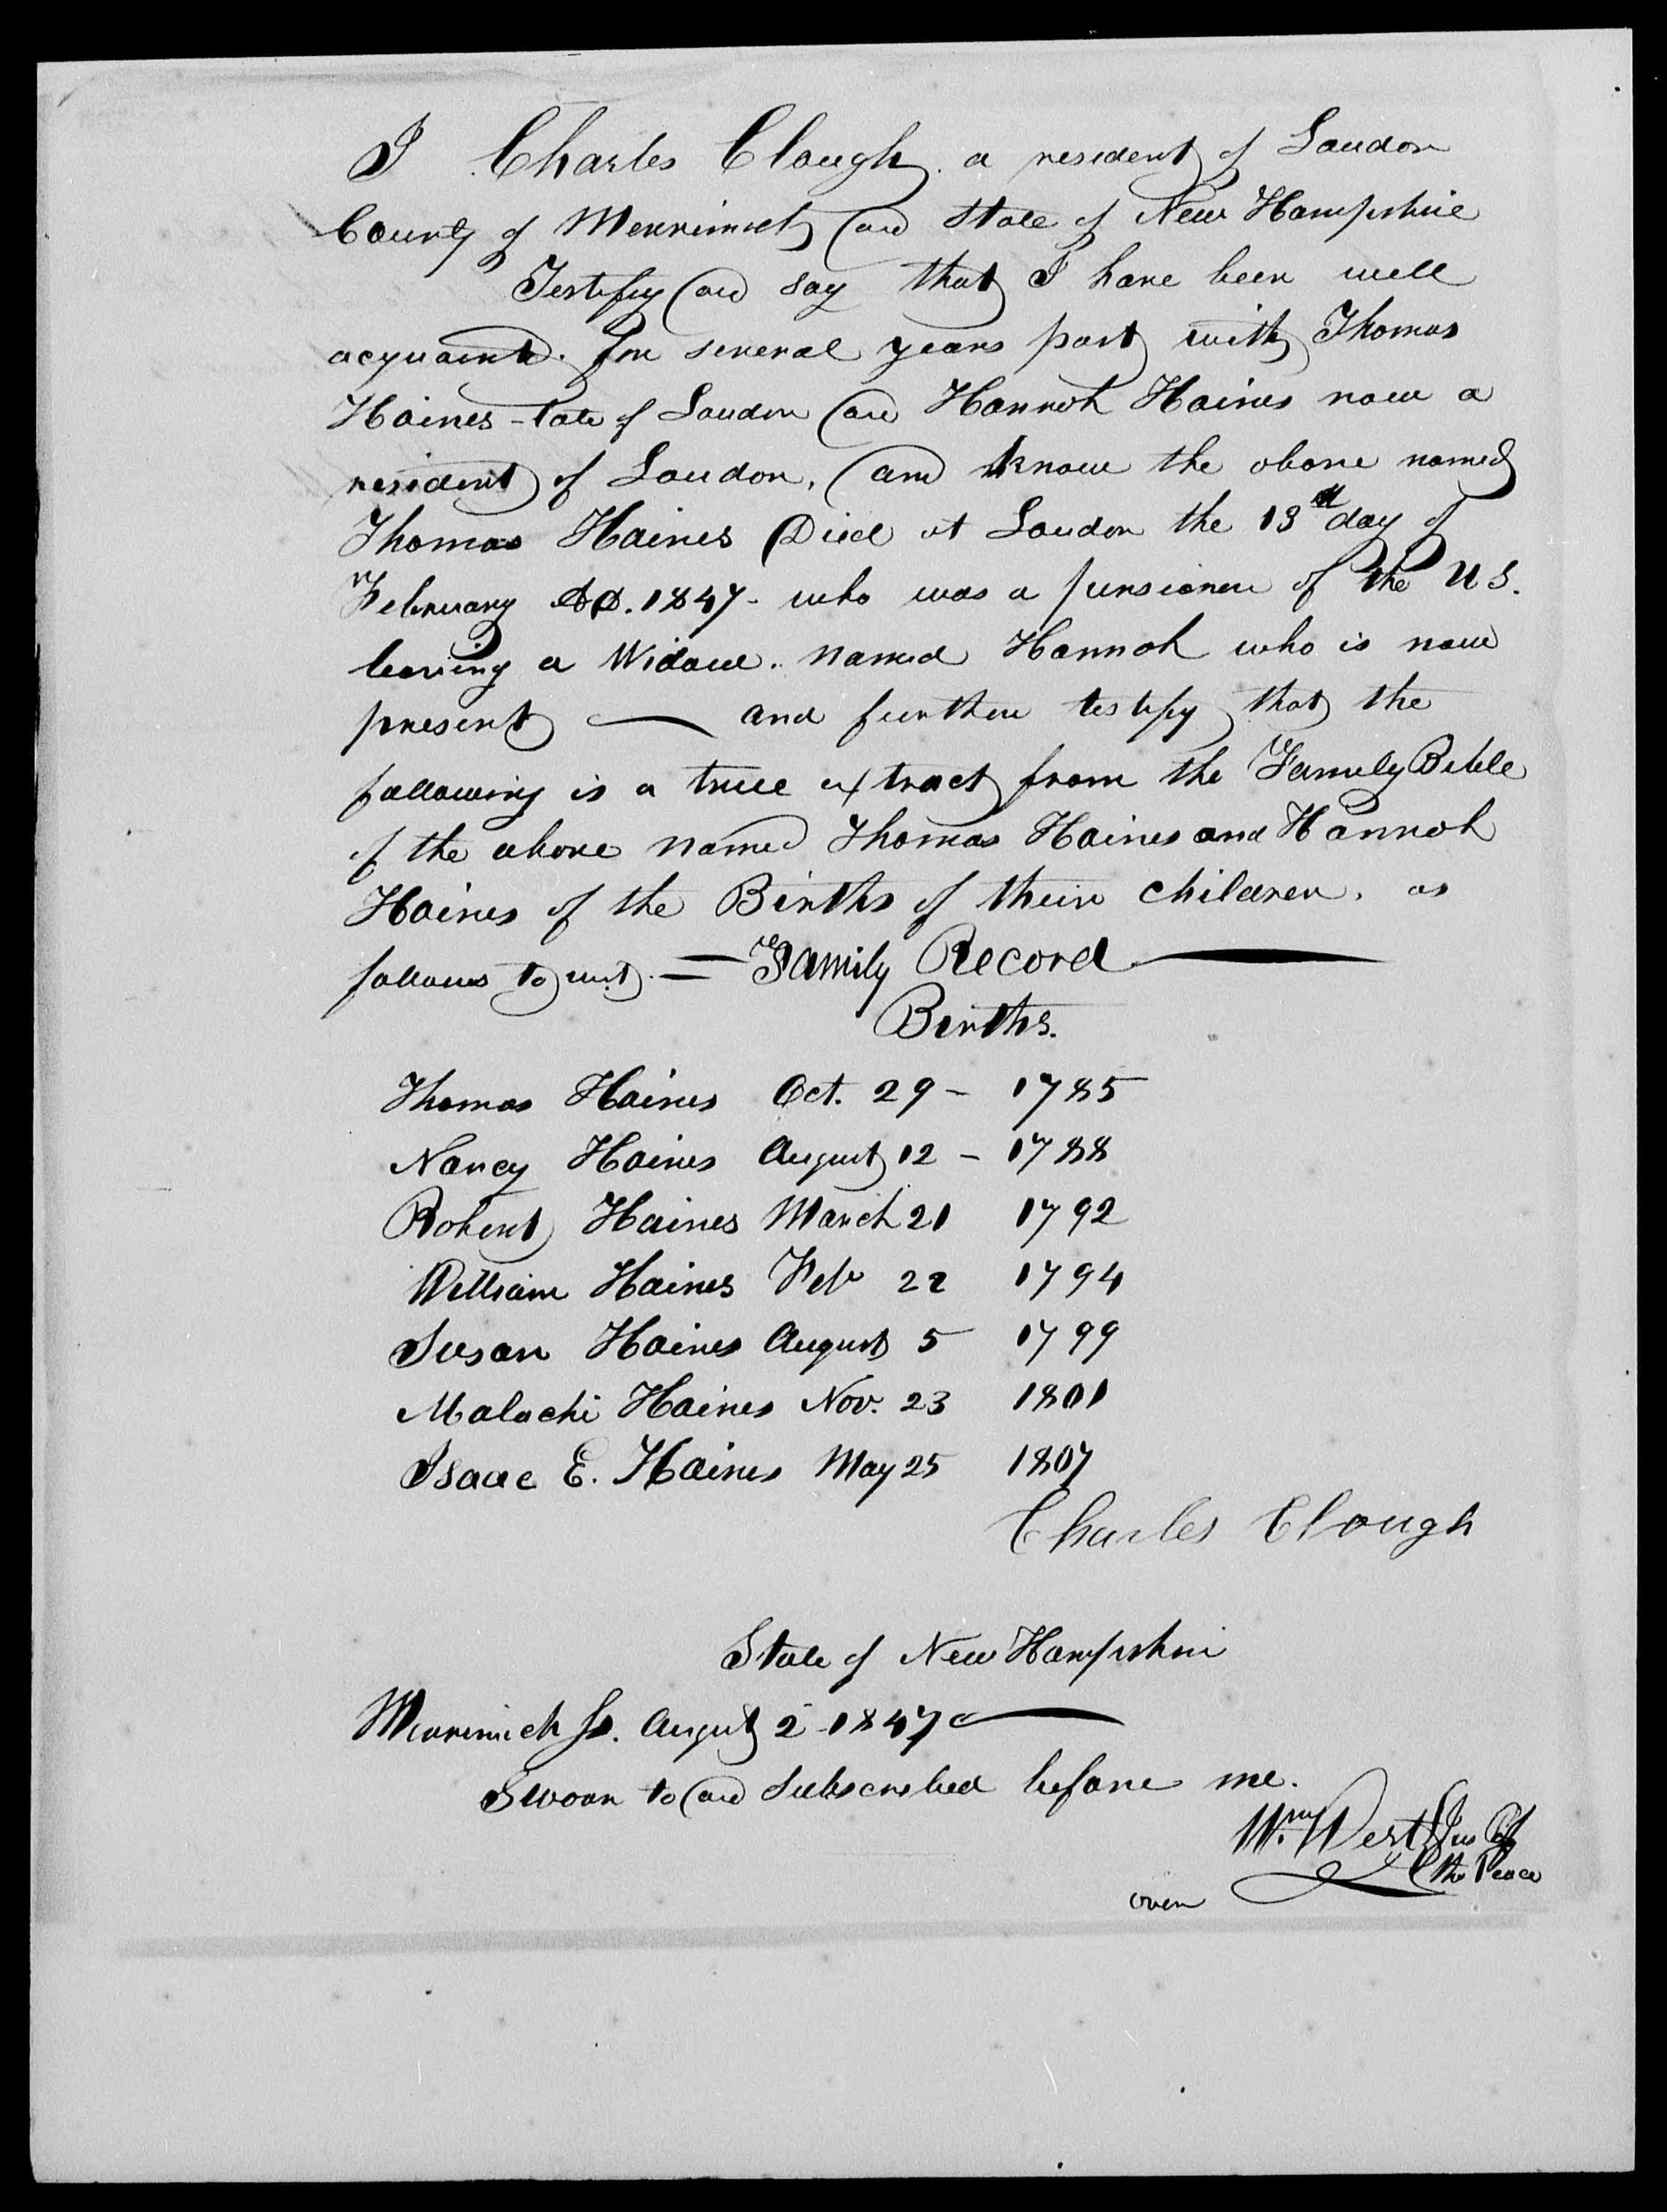I Charles Clough, a resident of Loudon County of Merrimack and State of New Hampshire Testify and say that I have been well acquainted for several years past with Thomas Haines late of Loudon and Hannah Haines now a resident of Loudon, and know the above named Thomas Haines Died at Loudon the 13th day of February AD 1847 who was a pensioner of the US leaving a Widow named Hannah who is now present— and further testify that the following is a true extract from the Family Bible of the above named Thomas Haines and Hannah Haines of the Births of their children, as follows to  wit — Family Record—
                             Births

Thomas Haines      Oct. 29 -     1785
Nancy Haines         August 12 - 1788
Robert Haines.        March 21.    1792
William Haines         Feb     22    1794
Susan Haines.          August 5    1799
Malachi Haines.       Nov.  23      1801   
Isaac E. Haines        May 25.       1807


          State of New Hampshire
Merrimack ss. August 2 1887
Sworn to and Subscribed before me.
     Wm. West Jus of the Peace

over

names: Hannah Haines, William Haines, Hannah Haines, Wm West, Robert Haines, Susan Haines, Charles Clough, Hannah, Charles Clough, Nancy Haines, Isaac E Haines, Thomas Haines, Thomas Haines, Malochi Haines, Thomas Haines, Thomas Haines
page: 14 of 57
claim: widow's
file: W. 23217, Thomas Haines, N H